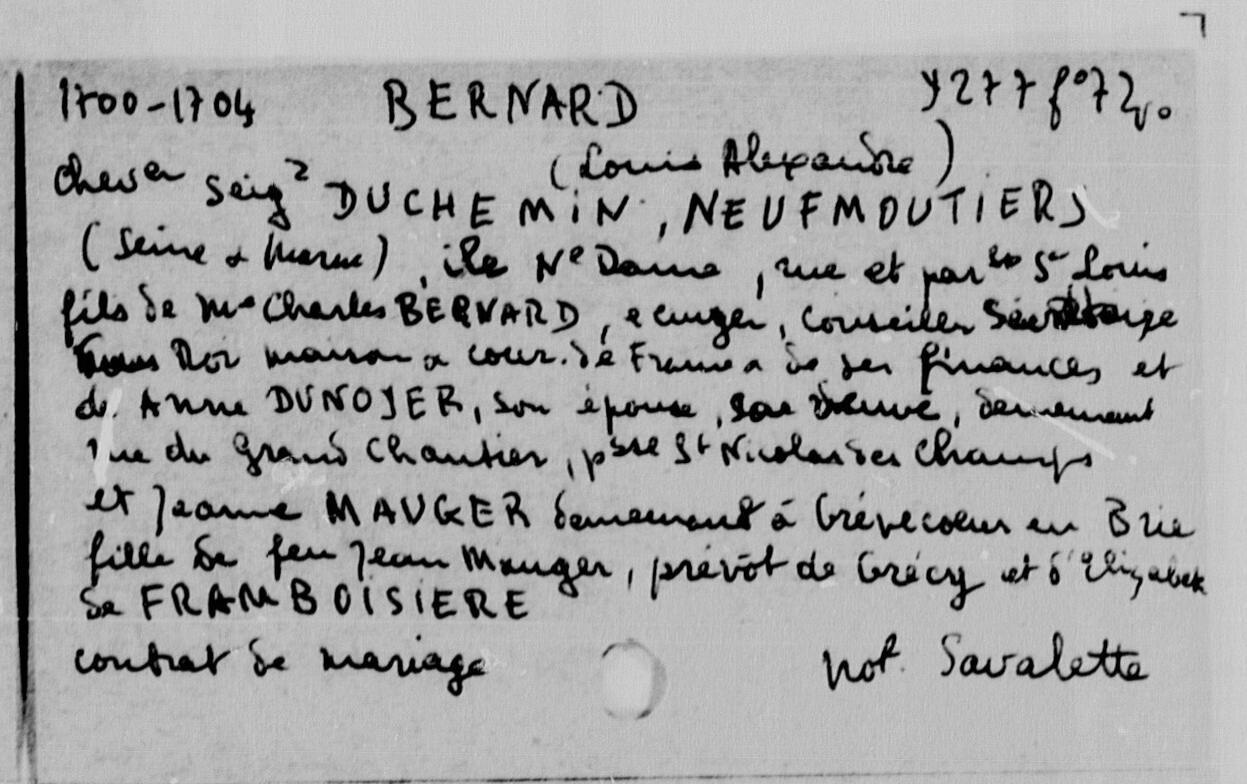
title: BERNARD (Louis Alexandre)
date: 1700-1704
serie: Y
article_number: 277
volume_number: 72v
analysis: Chevalier seigneur DUCHEMIN, NEUFMOUTIERS (Seine et Marne), ile Notre-Dame, rue et paroisse Saint-Louis fils de monsieur Charles BERNARD, écuyer, conseiller secrétaire du roi maison et cour de France et de ses Finances et de Anne DUNOYER, son épouse, sa veuve, demeurant rue du Grand Chantier, paroisse Saint-Nicolas-des-Champs et Jeanne MAUGER demeurant à Crèvecœur en Brie fille de feu Jean MAUGER, prévôt de Crécy et d' Élisabeth de FRAMBOISIERE Contrat de mariage notaire Savalette
